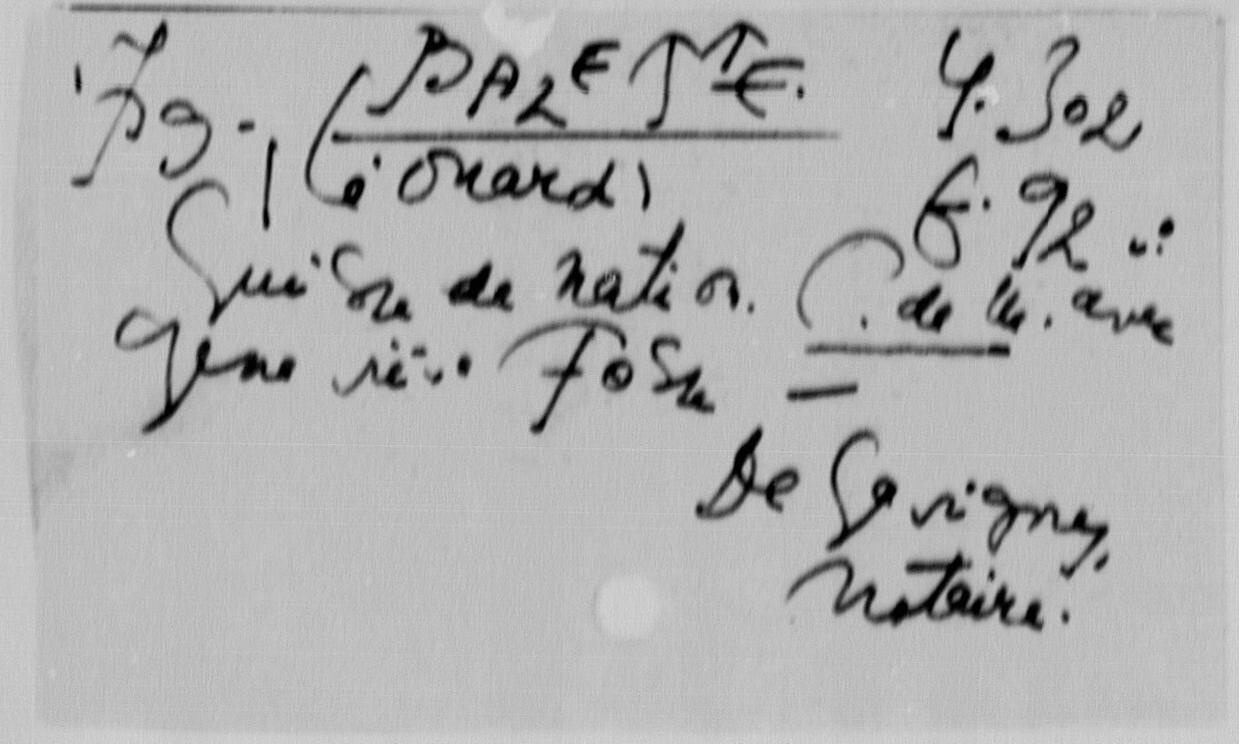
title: BALETTE (Céonard)
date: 1709
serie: Y
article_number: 302
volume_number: folio 92 verso
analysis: Guide de nation Contrat de mariage avec Geneviève Fosse De Savigny, notaire
